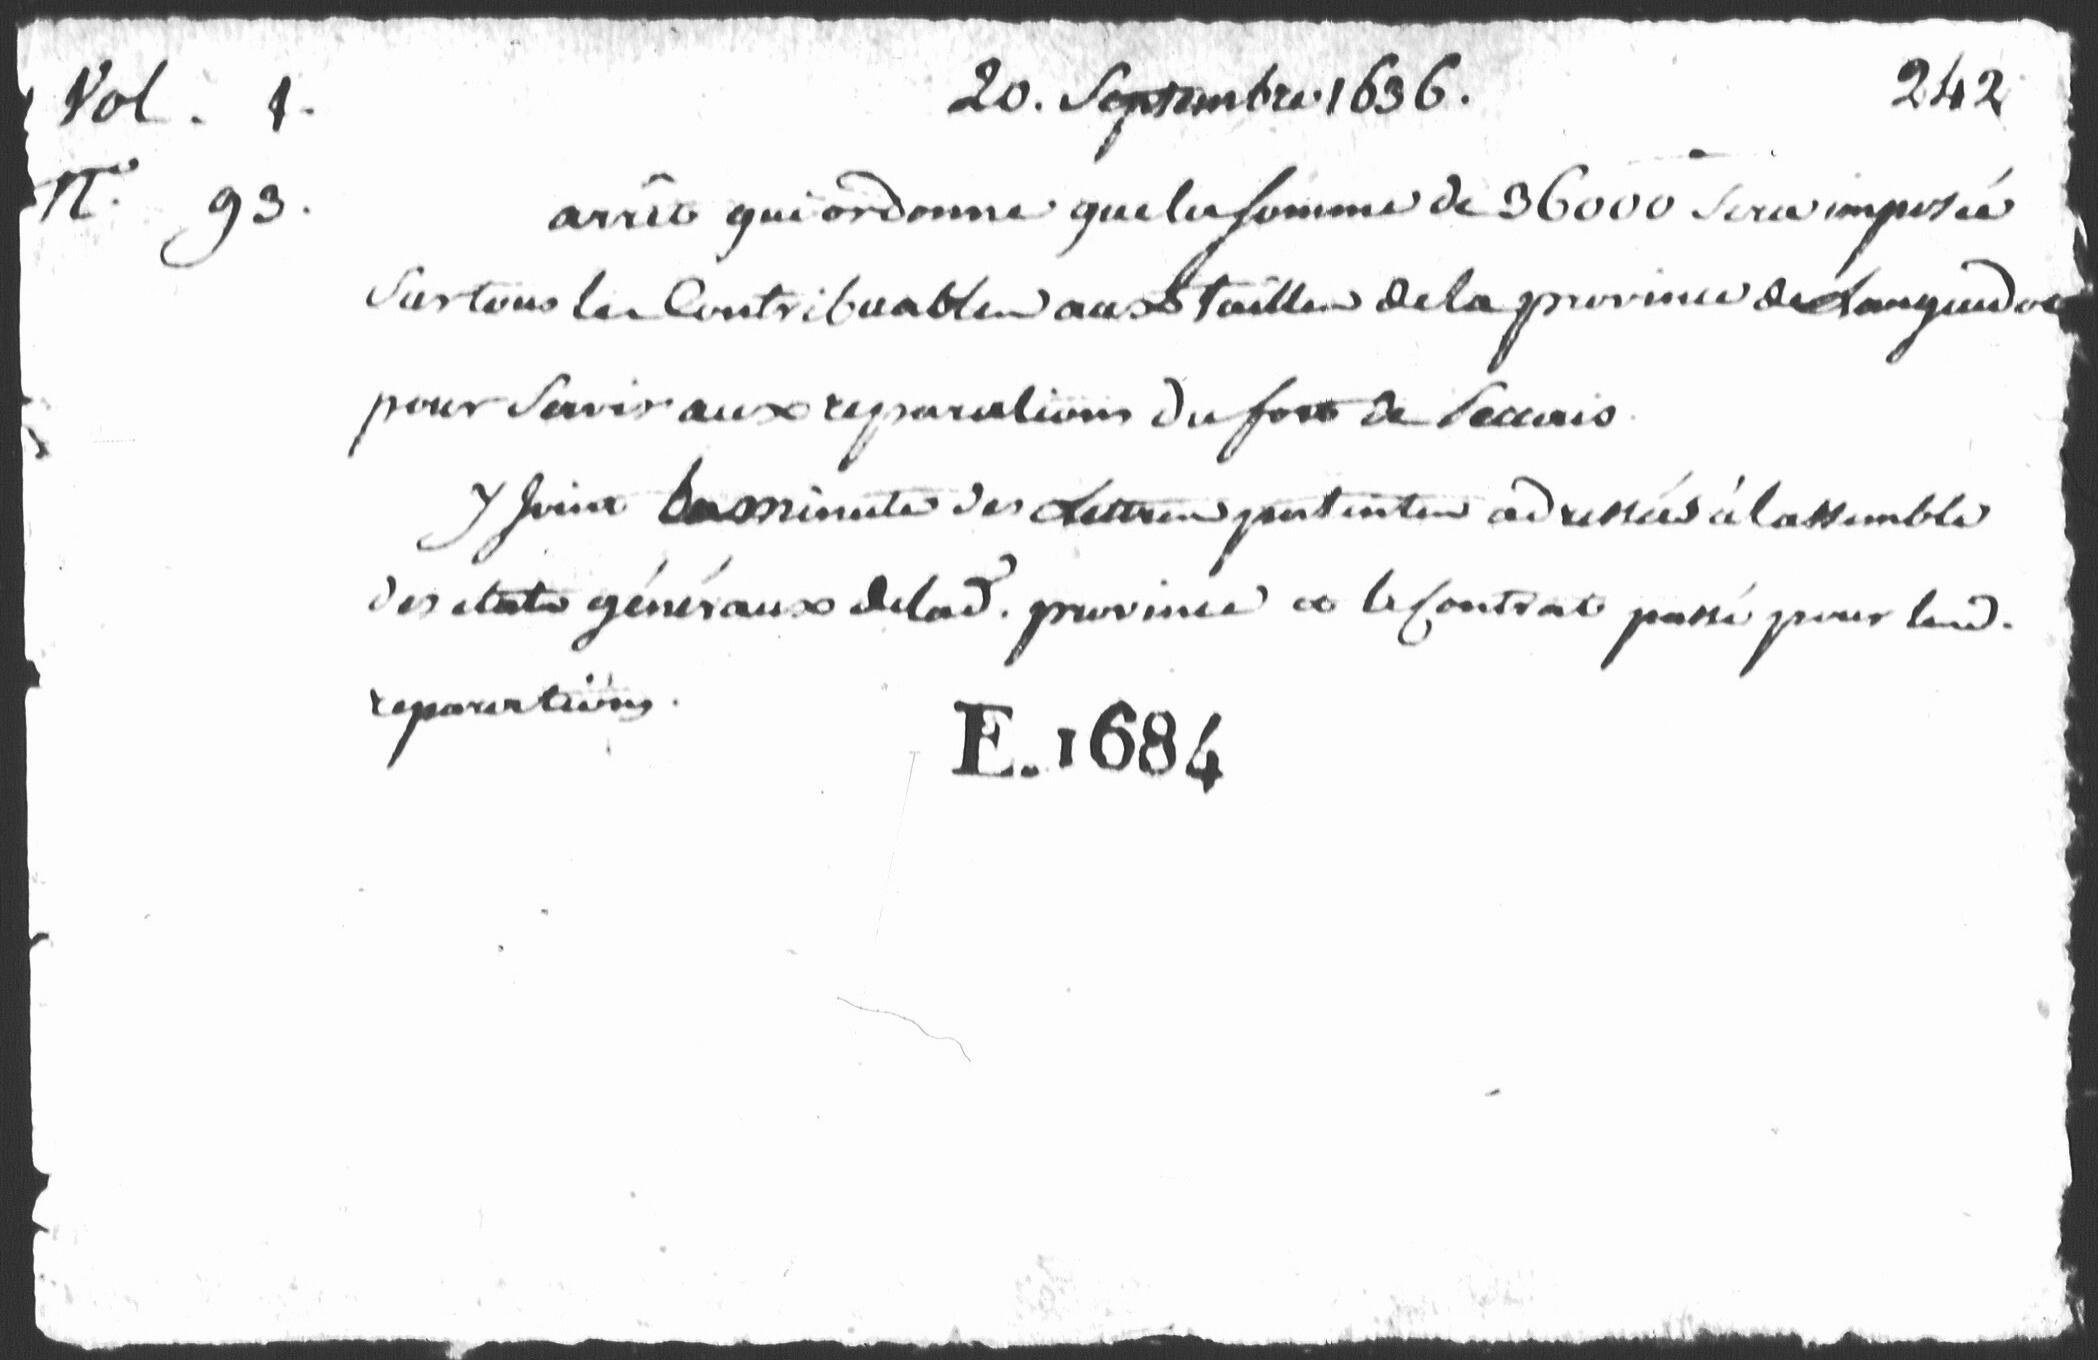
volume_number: n°93
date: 20 septembre 1636
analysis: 242
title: arrêt qui ordonne que la somme de 36000 # sera imposée sur tous les contribuables aux tailles de la province de Languedoc pour servir aux reparations du fort de Peccais y joint la minute des lettres patentes adressées à l'assemblée des etats généraux delad. province et le contrat passé pour lesd. reparations.
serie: E
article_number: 1684
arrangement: vol. 1
